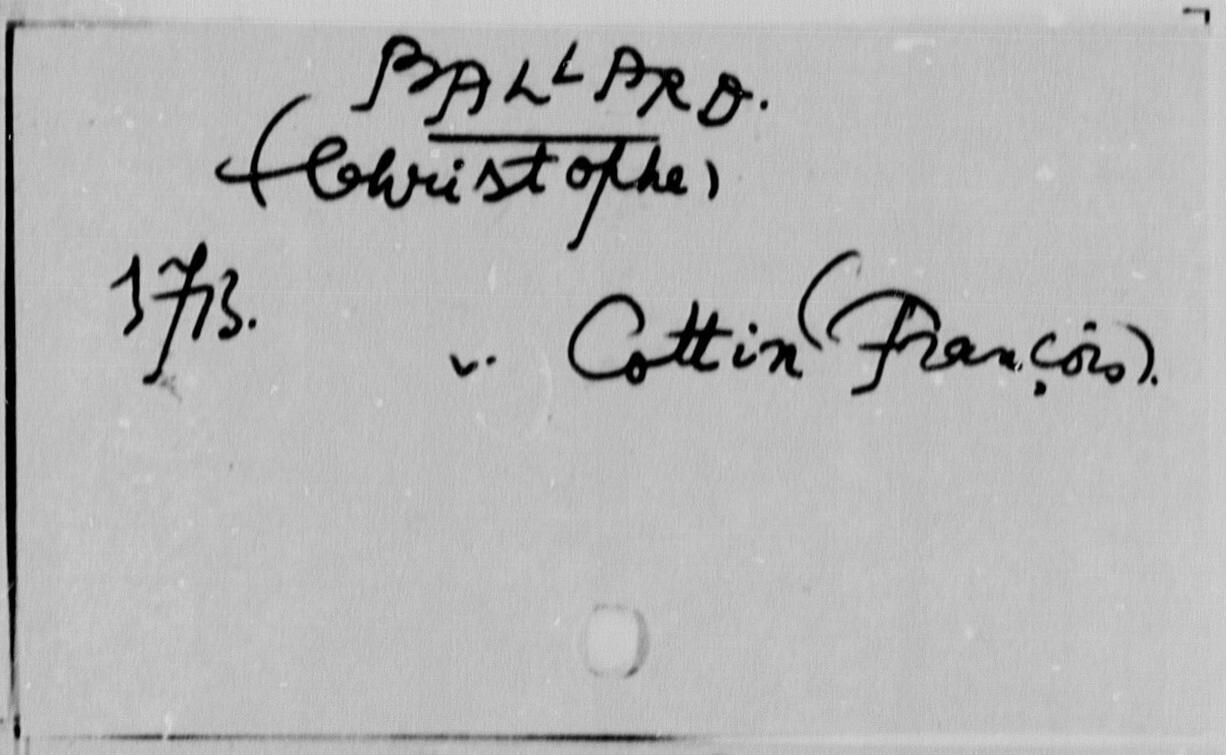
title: BALLARD (Christophe)
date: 1713
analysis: Voir COTTIN (François)
